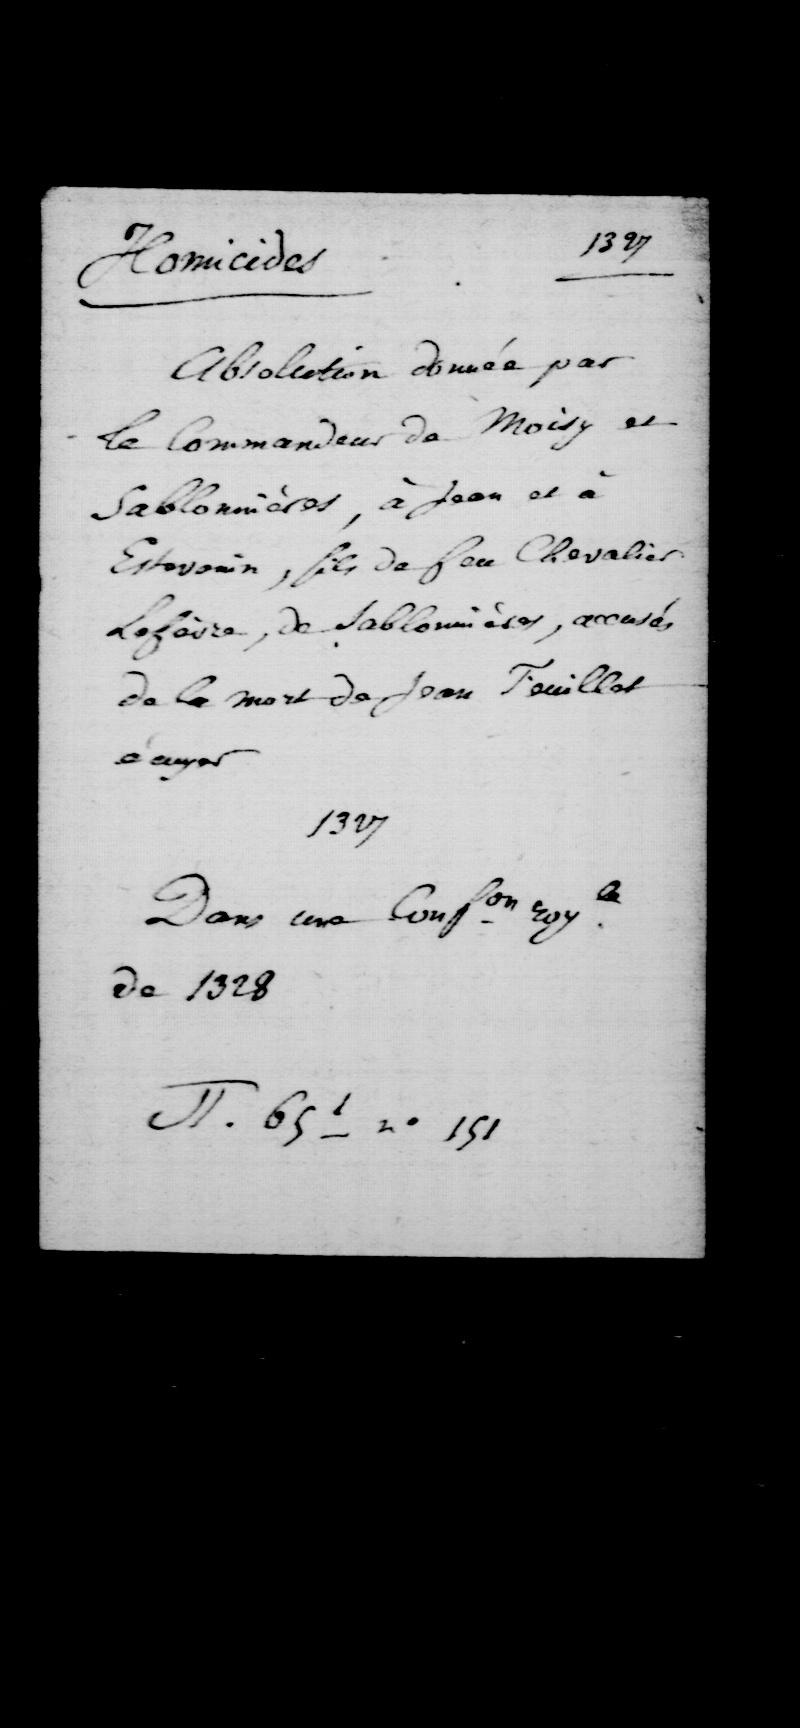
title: Homicides
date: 1327
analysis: Absolution donnée par le commandeur de Moisy et Sablonnières, à Jean et à Estevenin, fils de feu chevalier Lefèvre, de Sablonnières, accusés de la mort de Jean Feuillet écuyer 1327 Dans une confirmation royale de 1328
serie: JJ
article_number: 65/1
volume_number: n° 151
